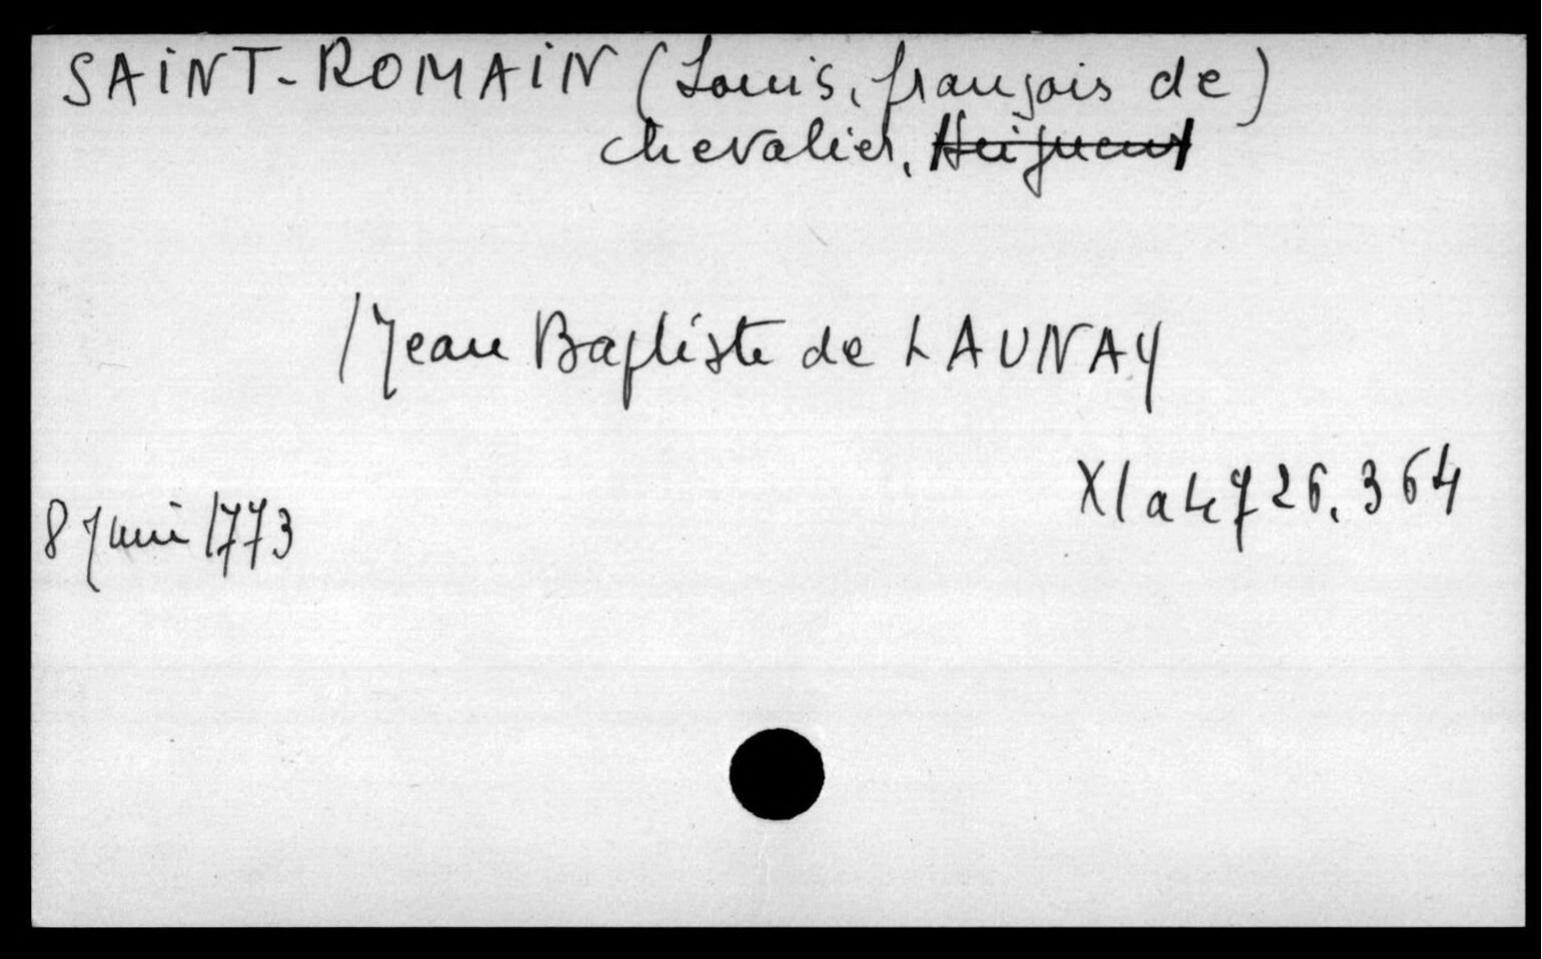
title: SAINT-ROMAIN (Louis, François de) chevalier
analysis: Contre Jean Baptiste de LAUNAY
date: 8 juin 1773
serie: X1a
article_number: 4726
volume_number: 364
